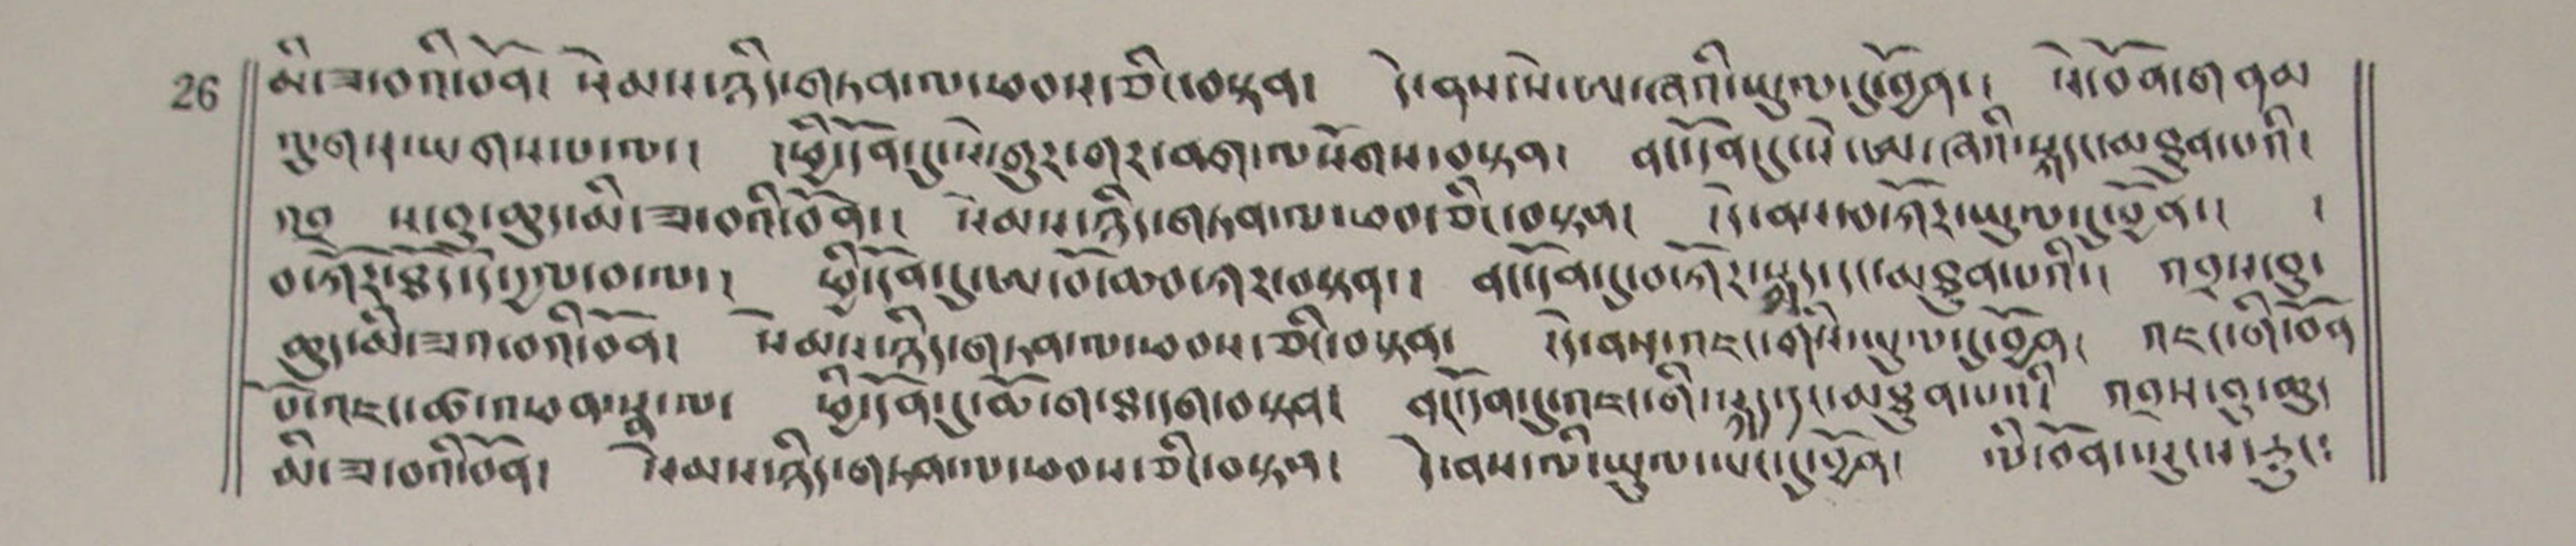མི་ཟ་བའི་བོན་སེམས་ཉིད་གཏན་ལ་ཕབས་ཅིང་བསྟན། དེ་ནས་སེ་ཨ་ཞའི་ཡུལ་དུ་བྱོན་ནས། སེ་བོན་གནམ་
ལྕགས་ཡགས་པ་ལ། ཕྱི་དོན་དུ་སེ་གུར་དཀར་(གར)ནག་ལས་སོགས་བསྟན། ནང་དོན་དུ་སེ་ཨ་ཞའི་སྐད་དང་མཐུན་པའི་
འབྲས་བུ་ཆུད་མི་ཟ་བའི་བོན། སེམས་ཉིད་གཏན་ལ་ཕབས་ཅིང་བསྟན། དེ་ནས་བ་གོར་(ཀོར)ཡུལ་དུ་བྱོན།
 བ་གོར་(ཀོར)ཐོད་དེ་རྒྱལ་བ་ལ། ཕྱི་དོན་དུ་ཨ་བོ་ཆབ་ཀར་བསྟན། ནང་དོན་དུ་བ་ཀོར་སྐད་དང་མཐུན་པའི་འབྲས་བུ་
ཆུད་མི་ཟ་བའི་བོན་སེམས་ཉིད་གཏན་ལ་ཕབས་ཅིང་བསྟན། དེ་ནས་འཇང་གི་ཡུལ་དུ་བྱོན་ནས་འཇང་གི་བོན་
པོ་འཇང་ཚ་འཕན་སྣང་ལ། ཕྱིའི་དོན་དུ་ཆོ་ག་མཐའ་དག་བསྟན། ནང་དོན་དུ་འཇང་གི་སྐད་དང་མཐུན་པའི་འབྲས་བུ་ཆུད་
མི་ཟ་བའི་བོན། སེམས་ཉིད་གཏན་ལ་ཕབས་ཅིང་བསྟན། དེ་ནས་ལི་ཡུལ་དུ་བྱོན། ལི་བོན་སྤུངས་རྒྱུང་